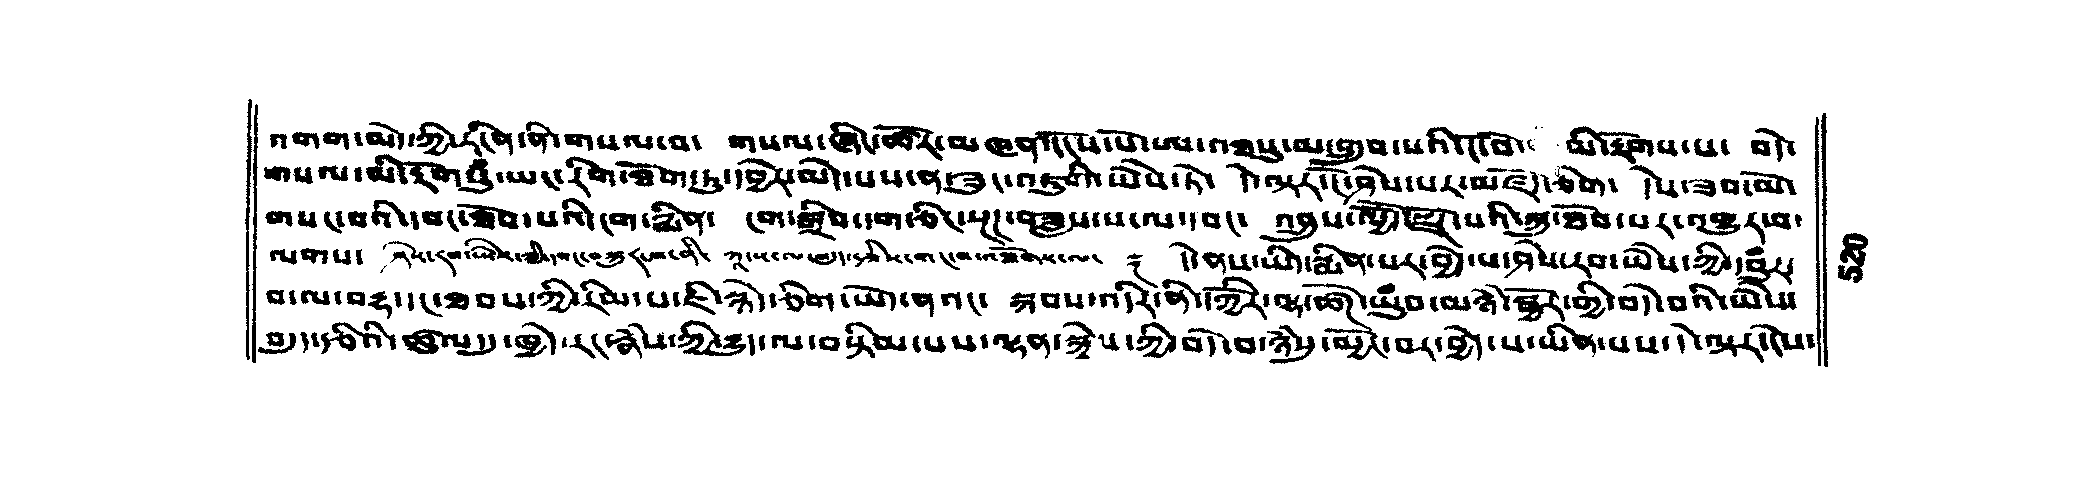འགག་མེད་ཀྱི་རང་བཞིན་ནི་གསལ་བ། གསལ་ཞིང་ཚོར་མཁན་དངོས་པོ་ཨ་འཐས་སུ་མ་གྲུབ་པའི་ངོ་བོ་མི་རྟོག་པ། བདེ་
གསལ་མི་རྟོག་གསུམ་ཡང་རིག་ཐོག་ཏུ་དབྱེར་མེད་པས་ན་ཟུང་འཇུག་གི་ཡེ་ཤེས་ཏེ། དེ་ལྟར་ངོ་ཤེས་པར་མཛོད་ཅིག དེས་ཟབ་མོ་
གསང་བའི་དབང་ཐོབ་པའི་ངག་སྨིན། ངག་སྒྲིབ་དག་ཅིང་སྔགས་བཟླས་པ་ལ་དབང་། འབྲས་བུ་ལོངས་སྤྱོད་རྫོགས་པའི་སྐུ་ཐོབ་པར་འགྱུར་བ་
ལགས། ཤེས་རབ་ཡེཤེས་ཀྱི་དབང་བསྐུར་བ་ནི། ཀཱ་པ་ལ་བདུད་རྩིས་གང་བ་ཐོགས་ལ། དེ་ནས་ཡིད་སྨིན་པར་བྱེད་པ་ཤེས་རབ་ཡེ་ཤེས་ཀྱི་དབང་བསྐུར་
བ་ལ་བརྡ་དང་ཐབས་ཀྱི་རིམ་པ་ཇི་སྙེད་ཡོད་ནའང་། སྐབས་འདིར་ནི་དཀྱིལ་འཁོར་ལྷ་ཚོགས་ཡབ་ཡུམ་མཉམ་སྦྱོར་གྱི་བདེ་བའི་ཡེ་ཤེས་
བདུད་རྩིའི་ཚུལ་དུ་ཁྱོད་རང་རྣམས་ཀྱི་རྒྱུད་ལ་བསྟིམ་པས་ལྷན་སྐྱེས་ཀྱི་བདེ་བ་ཉམས་སུ་མྱོང་བར་བྱེད་པ་ཡིན་པས་དེ་ལྟར་ངེས་